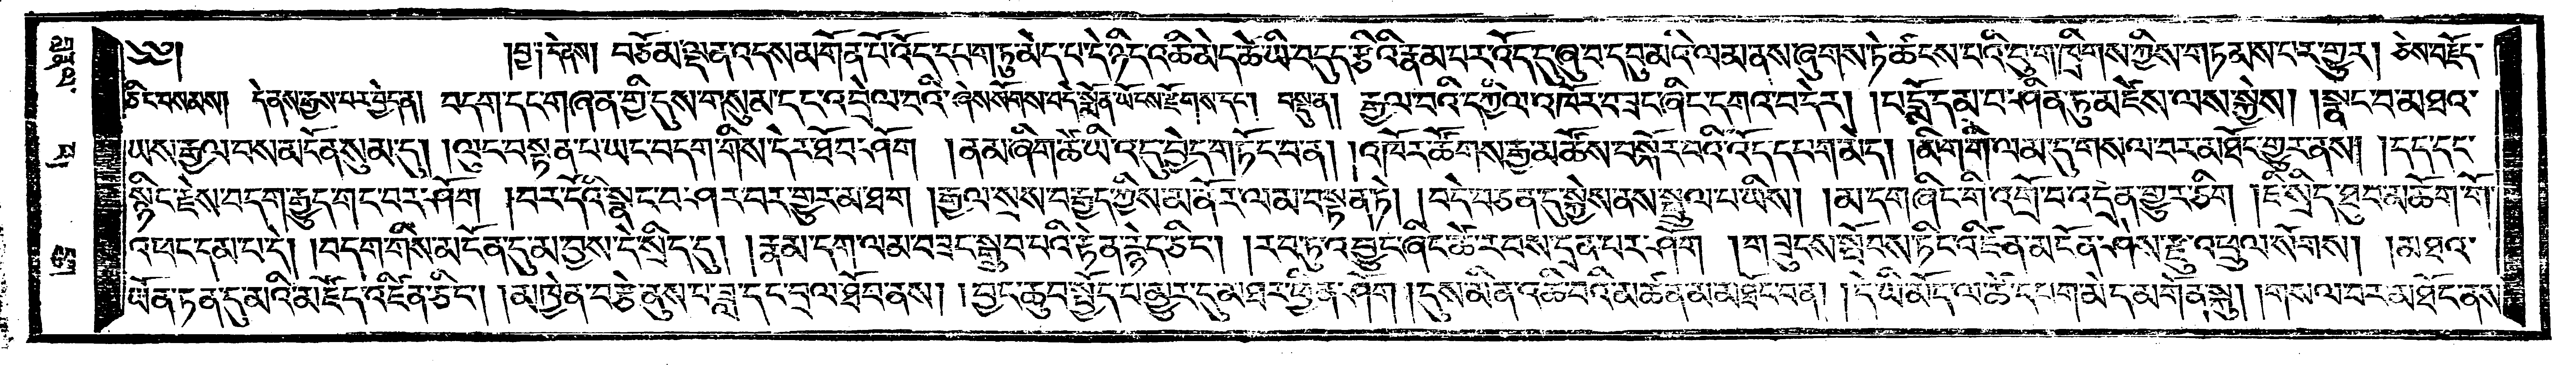༄༅། །བྱ༑ དེ་ནས། བཅོམ་ལྡན་འདས་མགོན་པོ་འོད་དཔག་ཏུ་མེད་པ་དེ་ཉིད་འཆི་མེད་ཚེ་ཡི་བདུད་རྩིའི་རྣམ་པར་འོད་དུ་ཞུ་བ་དབུ་མའི་ལམ་ནས་ཞུགས་ཏེ་ཚངས་པའི་བུ་ག་ཁྲིགས་ཀྱིས་གཏམས་པར་གྱུར། ཅེས་བརྗོད་
ཅིང་བསམས། དེ་ནས་རྒྱས་པར་བྱེད་ན། བདག་དང་གཞན་གྱི་དུས་གསུམ་དང་འབྲེལ་བའི་ཞེས་སོགས་བདེ་སྨོན་ཡོངས་རྫོགས་དང་། བསྡུ་ན། རྒྱལ་བའི་དཀྱིལ་འཁོར་བཟང་ཞིང་དགའ་བདེར། །པདམོ་དམ་པ་ཤིན་ཏུ་མཛེས་ལས་སྐྱེས། །སྣང་བ་མཐའ་
ཡས་རྒྱལ་བས་མངོན་སུམ་དུ། །ལུང་བསྟན་པ་ཡང་བདག་གིས་དེར་ཐོབ་ཤོག །ནམ་ཞིག་ཚེ་ཡི་འདུ་བྱེད་གཏོང་བ་ན། །འཁོར་ཚོགས་རྒྱ་མཚོས་བསྐོར་བའི་འོད་དབག་མེད། །མིག་གི་ལམ་དུ་གསལ་བར་མཐོང་གྱུར་ནས། །དད་དང་
སྙིང་རྗེས་བདག་རྒྱུད་གང་བར་ཤོག །བར་དོའི་སྣང་བ་ཤར་བར་གྱུར་མ་ཐག །རྒྱལ་སྲས་བརྒྱད་ཀྱིས་མ་ནོར་ལམ་བསྟན་ཏེ། །བདེ་བཅན་དུ་སྐྱེས་ནས་སྤྲུལ་པ་ཡིས། །མདག་ཞིང་གི་འགྲོ་བ་འདྲེན་གྱུར་ཅིག །ཇི་སྲིད་ཐུབ་མཆོག་གོ་
འཕང་དམ་པ་དེ། །བདག་གིས་མངོན་དུ་མ་བྱས་དེ་སྲིད་དུ། །རྣམ་དག་ལམ་བཟང་སྒྲུབ་པའི་རྟེན་རྙེད་ཅིང་། །རབ་ཏུ་འབྱུང་ཞིང་ཚེ་རབས་དྲན་པར་ཤོག །གཟུངས་སྤོབས་ཏིང་འཛིན་མངོན་ཤེས་རྫུ་འཕྲུལ་སོགས། །མཐའ་
ཡོན་ཏན་དུ་མའི་མཛོད་འཛིན་ཅིང་། །མཁྱེན་བརྩེ་ནུས་པ་ཟླ་དང་བྲལ་ཐོབ་ནས། །བྱང་ཆུབ་སྤྱོད་པ་མྱུར་དུ་མཐར་ཕྱིན་ཤོག །དུས་མིན་འཆི་བའི་མཚན་མ་མཐོང་བ་ན། །དེ་ཡི་མོད་ལ་ཚེ་དཔག་མེད་མགོན་སྐུ། །གསལ་བར་མཐོང་ནས་